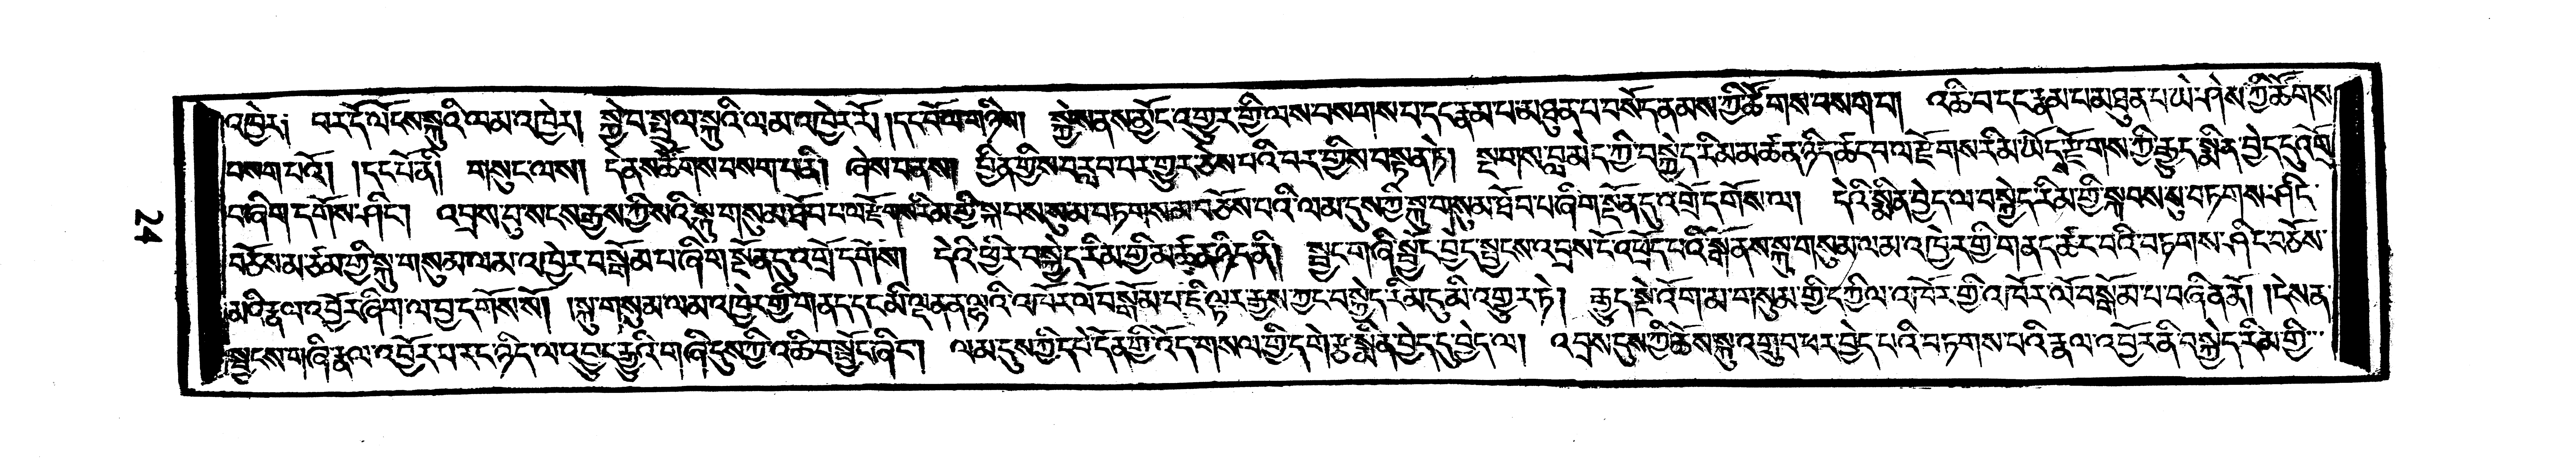འཁྱེར༑ བར་དོ་ལོངས་སྐུའི་ལམ་འཁྱེར། སྐྱེ་བ་སྤྲུལ་སྐུའི་ལམ་འཁྱེར་རོ། །དང་པོ་ལ་གཉིས། སྐྱེས་ནས་མྱོང་འགྱུར་གྱི་ལས་བསགས་པ་དང་རྣམ་པ་མཐུན་པ་བསོད་ནམས་ཀྱི་ཚོགས་བསག་པ། འཆི་བ་དང་རྣམ་པ་མཐུན་པ་ཡེ་ཤེས་ཀྱི་ཚོགས་
བསག་པའོ། །དང་པོ་ནི། གསུང་ལས། དེ་ནས་ཚོགས་བསག་པ་ནི། ཞེས་པ་ནས། བྱིན་གྱིས་བརླབ་པར་གྱུར་ཅེས་པའི་བར་གྱིས་བསྟན་ཏེ། སྔགས་བླ་མེད་ཀྱི་བསྐྱེད་རིམ་མཚན་ཉིད་ཚང་བ་ལ་རྫོགས་རིམ་ཡོངས་རྫོགས་ཀྱི་རྒྱུད་སྨིན་བྱེད་དུ་འགྲོ་
བ་ཞིག་དགོས་ཤིང་། འབྲས་བུ་སངས་རྒྱས་ཀྱི་སའི་སྐུ་གསུམ་ཐོབ་པ་ལ་རྫོགས་རིམ་གྱི་སྐབས་སུ་མ་བཏགས་མ་བཅོས་པའི་ལམ་དུས་ཀྱི་སྐུ་གསུམ་ཐོབ་པ་ཞིག་སྔོན་དུ་འགྲོ་དགོས་ལ། དེའི་སྨིན་བྱེད་ལ་བསྐྱེད་རིམ་གྱི་སྐབས་སུ་བཏགས་ཤིང་
བཅོས་མ་ཙམ་གྱི་སྐུ་གསུམ་ལམ་འཁྱེར་བསྒོམ་པ་ཞིག་སྔོན་དུ་འགྲོ་དགོས། དེའི་ཕྱིར་བསྐྱེད་རིམ་གྱི་མཚན་ཉིད་ནི། སྦྱང་གཞི་སྦྱོང་བྱེད་སྦྱངས་འབྲས་ངོ་འཕྲོད་པའི་སྒོ་ནས་སྐུ་གསུམ་ལམ་འཁྱེར་གྱི་གནད་ཚང་བའི་བཏགས་ཤིང་བཅོས་
མའི་རྣལ་འབྱོར་ཞིག་ལ་བྱ་དགོས་སོ། །སྐུ་གསུམ་ལམ་འཁྱེར་གྱི་གནད་དང་མི་ལྡན་ན་ལྷའི་འཁོར་ལོ་བསྒོམ་པ་ཇི་ལྟར་རྒྱས་ཀྱང་བསྐྱེད་རིམ་དུ་མི་འགྱུར་ཏེ། རྒྱུད་སྡེ་འོག་མ་གསུམ་གྱི་དཀྱིལ་འཁོར་གྱི་འཁོར་ལོ་བསྒོམས་པ་བཞིན་ནོ། །དེས་ན་
སྦྱང་གཞི་རྣལ་འབྱོར་པ་རང་ཉིད་ལ་འབྱུང་རྒྱུའི་གཞི་དུས་ཀྱི་འཆི་བ་སྦྱོང་ཞིང་། ལམ་དུས་ཀྱི་དཔེ་དོན་གྱི་འོད་གསལ་གྱི་དགེ་རྩ་སྨིན་བྱེད་དུ་བྱེད་ལ། འབྲས་དུས་ཀྱི་ཆོས་སྐུ་འགྲུབ་པར་བྱེད་པའི་བཏགས་པའི་རྣལ་འབྱོར་ནི་བསྐྱེད་རིམ་གྱི་